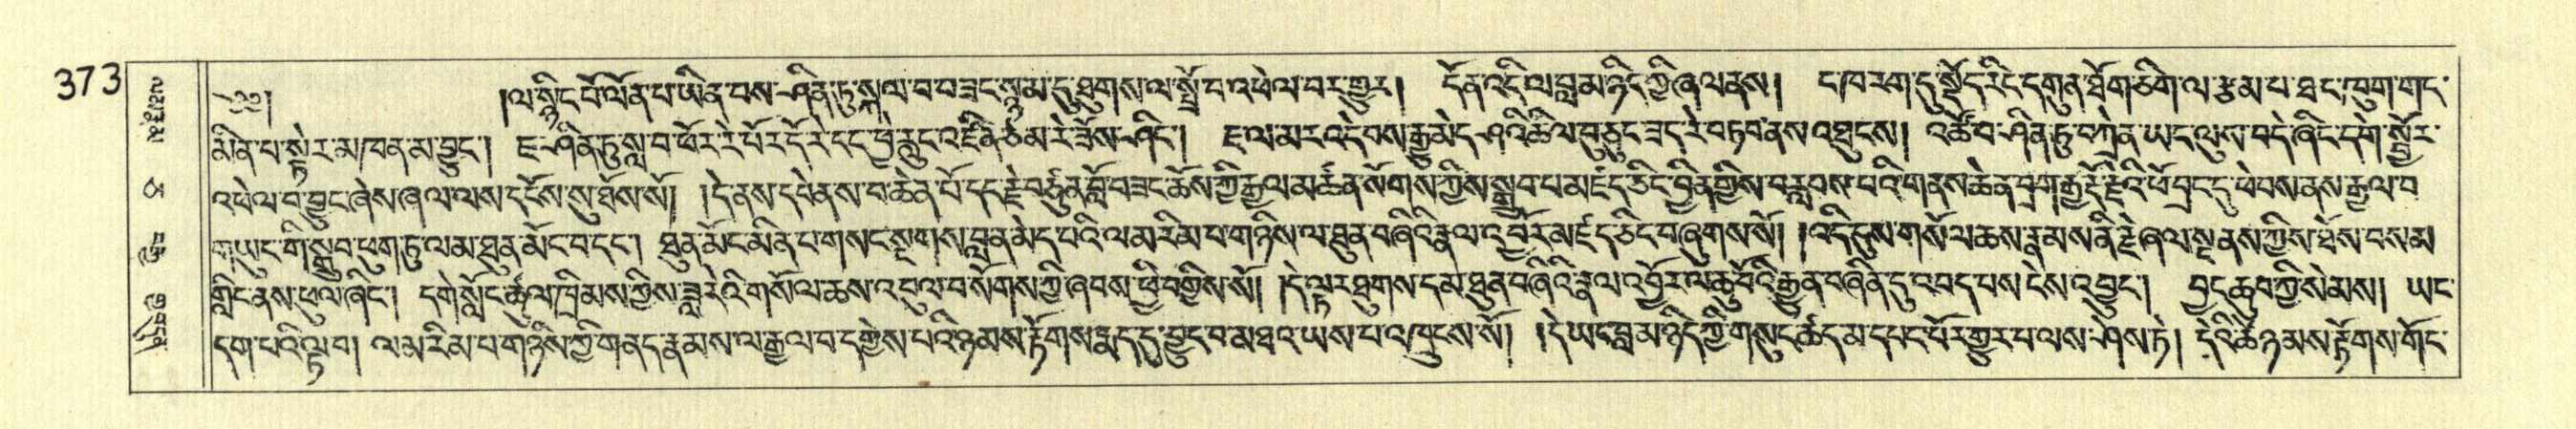༄༅། །ལ་སྙིང་པོ་ལོན་པ་ཡིན་བས་ཤིན་ཏུ་སྐལ་བ་བཟང་སྙམ་དུ་ཐུགས་ལ་སྤྲོ་བ་འཕེལ་བར་གྱུར། དོན་འདི་ལ་བླ་མ་ཉིད་ཀྱི་ཞལ་ནས། ང་ཁ་རག་དུ་སྡོད་རིང་དགུན་ཐོག་ཅིག་ལ་རྩམ་པ་ཐང་ཁུག་གང་
མིན་པ་སྟེར་མཁན་མ་བྱུང་། ཇ་ཤིན་ཏུ་སླ་བ་ཕོར་རེ་པོར་དོ་རེ་དང་ཕྱེ་རླུང་འཛིན་ཙམ་རེ་ཟོས་ཤིང་། ཇ་ལ་མར་འདེབས་རྒྱུ་མེད་ཤའི་ཆིལ་བུ་ཅུང་ཟད་རེ་བཏབ་ནས་འཐུངས། འཚོ་བ་ཤིན་ཏུ་བཀྲེན་ཡང་ལུས་བདེ་ཞིང་དགེ་སྦྱོར་
འཕེལ་བ་བྱུང་ཞེས་ཞལ་ལས་དངོས་སུ་ཐོས་སོ། །དེ་ནས་དབེན་ས་བ་ཆེན་པོ་དང་རྗེ་བཙུན་བློ་བཟང་ཆོས་ཀྱི་རྒྱལ་མཚན་སོགས་ཀྱིས་སྒྲུབ་པ་མཛད་ཅིང་བྱིན་གྱིས་བརླབས་པའི་གནས་ཆེན་བྲག་རྒྱ་རྡོ་རྗེའི་ཕོ་བྲང་དུ་ཕེབས་ནས་རྒྱལ་བ་
གཡུང་གི་སྒྲུབ་ཕུག་ཏུ་ལམ་ཐུན་མོང་བ་དང་། ཐུན་མོང་མིན་པ་གསང་སྔགས་བླ་ན་མེད་པའི་ལམ་རིམ་པ་གཉིས་ལ་ཐུན་བཞིའི་རྣལ་འབྱོར་མཛད་ཅིང་བཞུགས་སོ། །འདི་དུས་གསོལ་ཆས་རྣམས་ནི་རྗེ་ཞལ་སྔ་ནས་ཀྱིས་ཐོས་བསམ་
གླིང་ནས་ཕུལ་ཞིང་། དགེ་སློང་ཚུལ་ཁྲིམས་ཀྱིས་ཟླ་རེའི་གསོལ་ཆས་འབུལ་བ་སོགས་ཀྱི་ཞབས་ཕྱི་བགྱིས་སོ། །དེ་ལྟར་ཐུགས་དམ་ཐུན་བཞིའི་རྣལ་འབྱོར་ལ་ཆུ་བོའི་རྒྱུན་བཞིན་དུ་འབད་པས་ངེས་འབྱུང་། བྱང་ཆུབ་ཀྱི་སེམས། ཡང་
དག་པའི་ལྟ་བ། ལམ་རིམ་པ་གཉིས་ཀྱི་གནད་རྣམས་ལ་རྒྱལ་བ་དགྱེས་པའི་ཉམས་རྟོགས་རྨད་དུ་བྱུང་བ་མཐའ་ཡས་པ་འཁྲུངས་སོ། །དེ་ཡང་བླ་མ་ཉིད་ཀྱི་གསུང་ཚད་མ་དབང་པོར་གྱུར་པ་ལས་ཤེས་ཏེ། དེའི་ཚེ་ཉམས་རྟོགས་གོང་